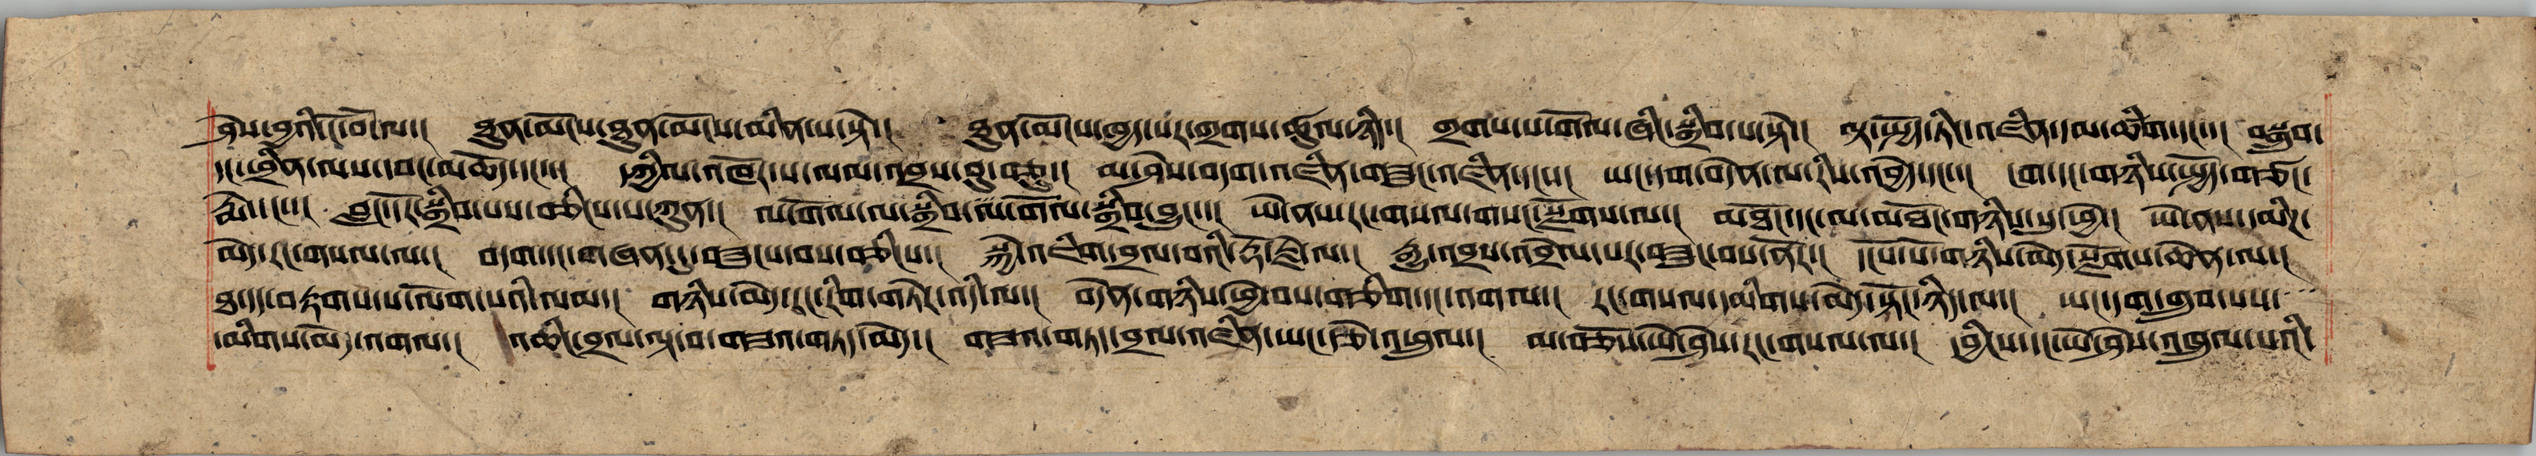ཤེས་བྱའི་ངོ་བོ་ལ་། ཐུན་མོངས་ཐུན་མོངས་མིན་པ་སྟེ་། ཐུན་མོངས་ཁྱད་པར་གྲགས་ཚུལ་ཉིད་། གྲགས་པ་གོལ་ཞིང་སྒྲིབ་པ་སྟེ་། ལྟ་སྤྱོད་ཏིང་འཛིན་དམ་ཚིག་དང་་། བསྒྲུབ་
དང་ཕྲིན་ལས་དབང་མཆོད་དང་་། དཀྱིལ་འཁོར་ས་ལམ་འབྲས་བུ་བཅུ་། མ་ཤེས་བདག་འཛིན་གཟུང་འཛིན་དང་་། ཡང་དག་བདེན་ལ་རིས་འབྱེད་དང་་། ངག་དང་གཉིས་སྤྱོད་གཙང་
རྨེ་དང་་། བླང་དོར་སྒྲིབ་པས་བཅིངས་པ་ཀུན་། མ་གོལ་ལ་སྒྲིབ་ལ་གོལ་སྒྲིབ་བྱུང་་། ཡེ་ནས་རང་གསལ་གསང་སྫོགས་ལ་། མཐོང་དང་མ་མཐོང་གཉིས་སུ་ཕྱེ་། ཡེ་ནས་དམིཌ་
མེད་རང་གསལ་ལ་། བདག་དང་གཞན་དུ་བཟུངས་བས་བཅིངས་། སྐྱེ་འཇིག་བྲལ་བའི་རྡོ་རྗེ་ལ་། རྒྱུ་འབྲས་འབྲེལ་པར་བཟུང་བས་ནོར་། དངོས་པོ་གཉིས་མེད་སྫོགས་ཆེན་ལ་།
ཐ་དད་བརྟགས་པ་ལོག་པའི་ལམ་། གཉིས་མེད་རང་རིག་གཏེར་འདི་ལ་། བདེན་གཉིས་ཕྱེ་བས་གཅིག་དང་འགལ་། རང་གསལ་དམིགས་མེད་སྟོང་ཉིད་ལ་། ཡང་དག་གྲུབ་པས་
དམིགས་མེད་འགལ་། འཆིང་བྲལ་ལྟ་བ་གཟའ་གཏད་མེད་། གཟའ་གཏད་བྲལ་འཛིན་ཡང་རྩེ་འཕྲུལ་། མ་བཅོས་ཡེ་ཤེས་རང་གསལ་ལ་། དབྱིངས་དང་ཡེ་ཤེས་འཁྲུལ་པའི་